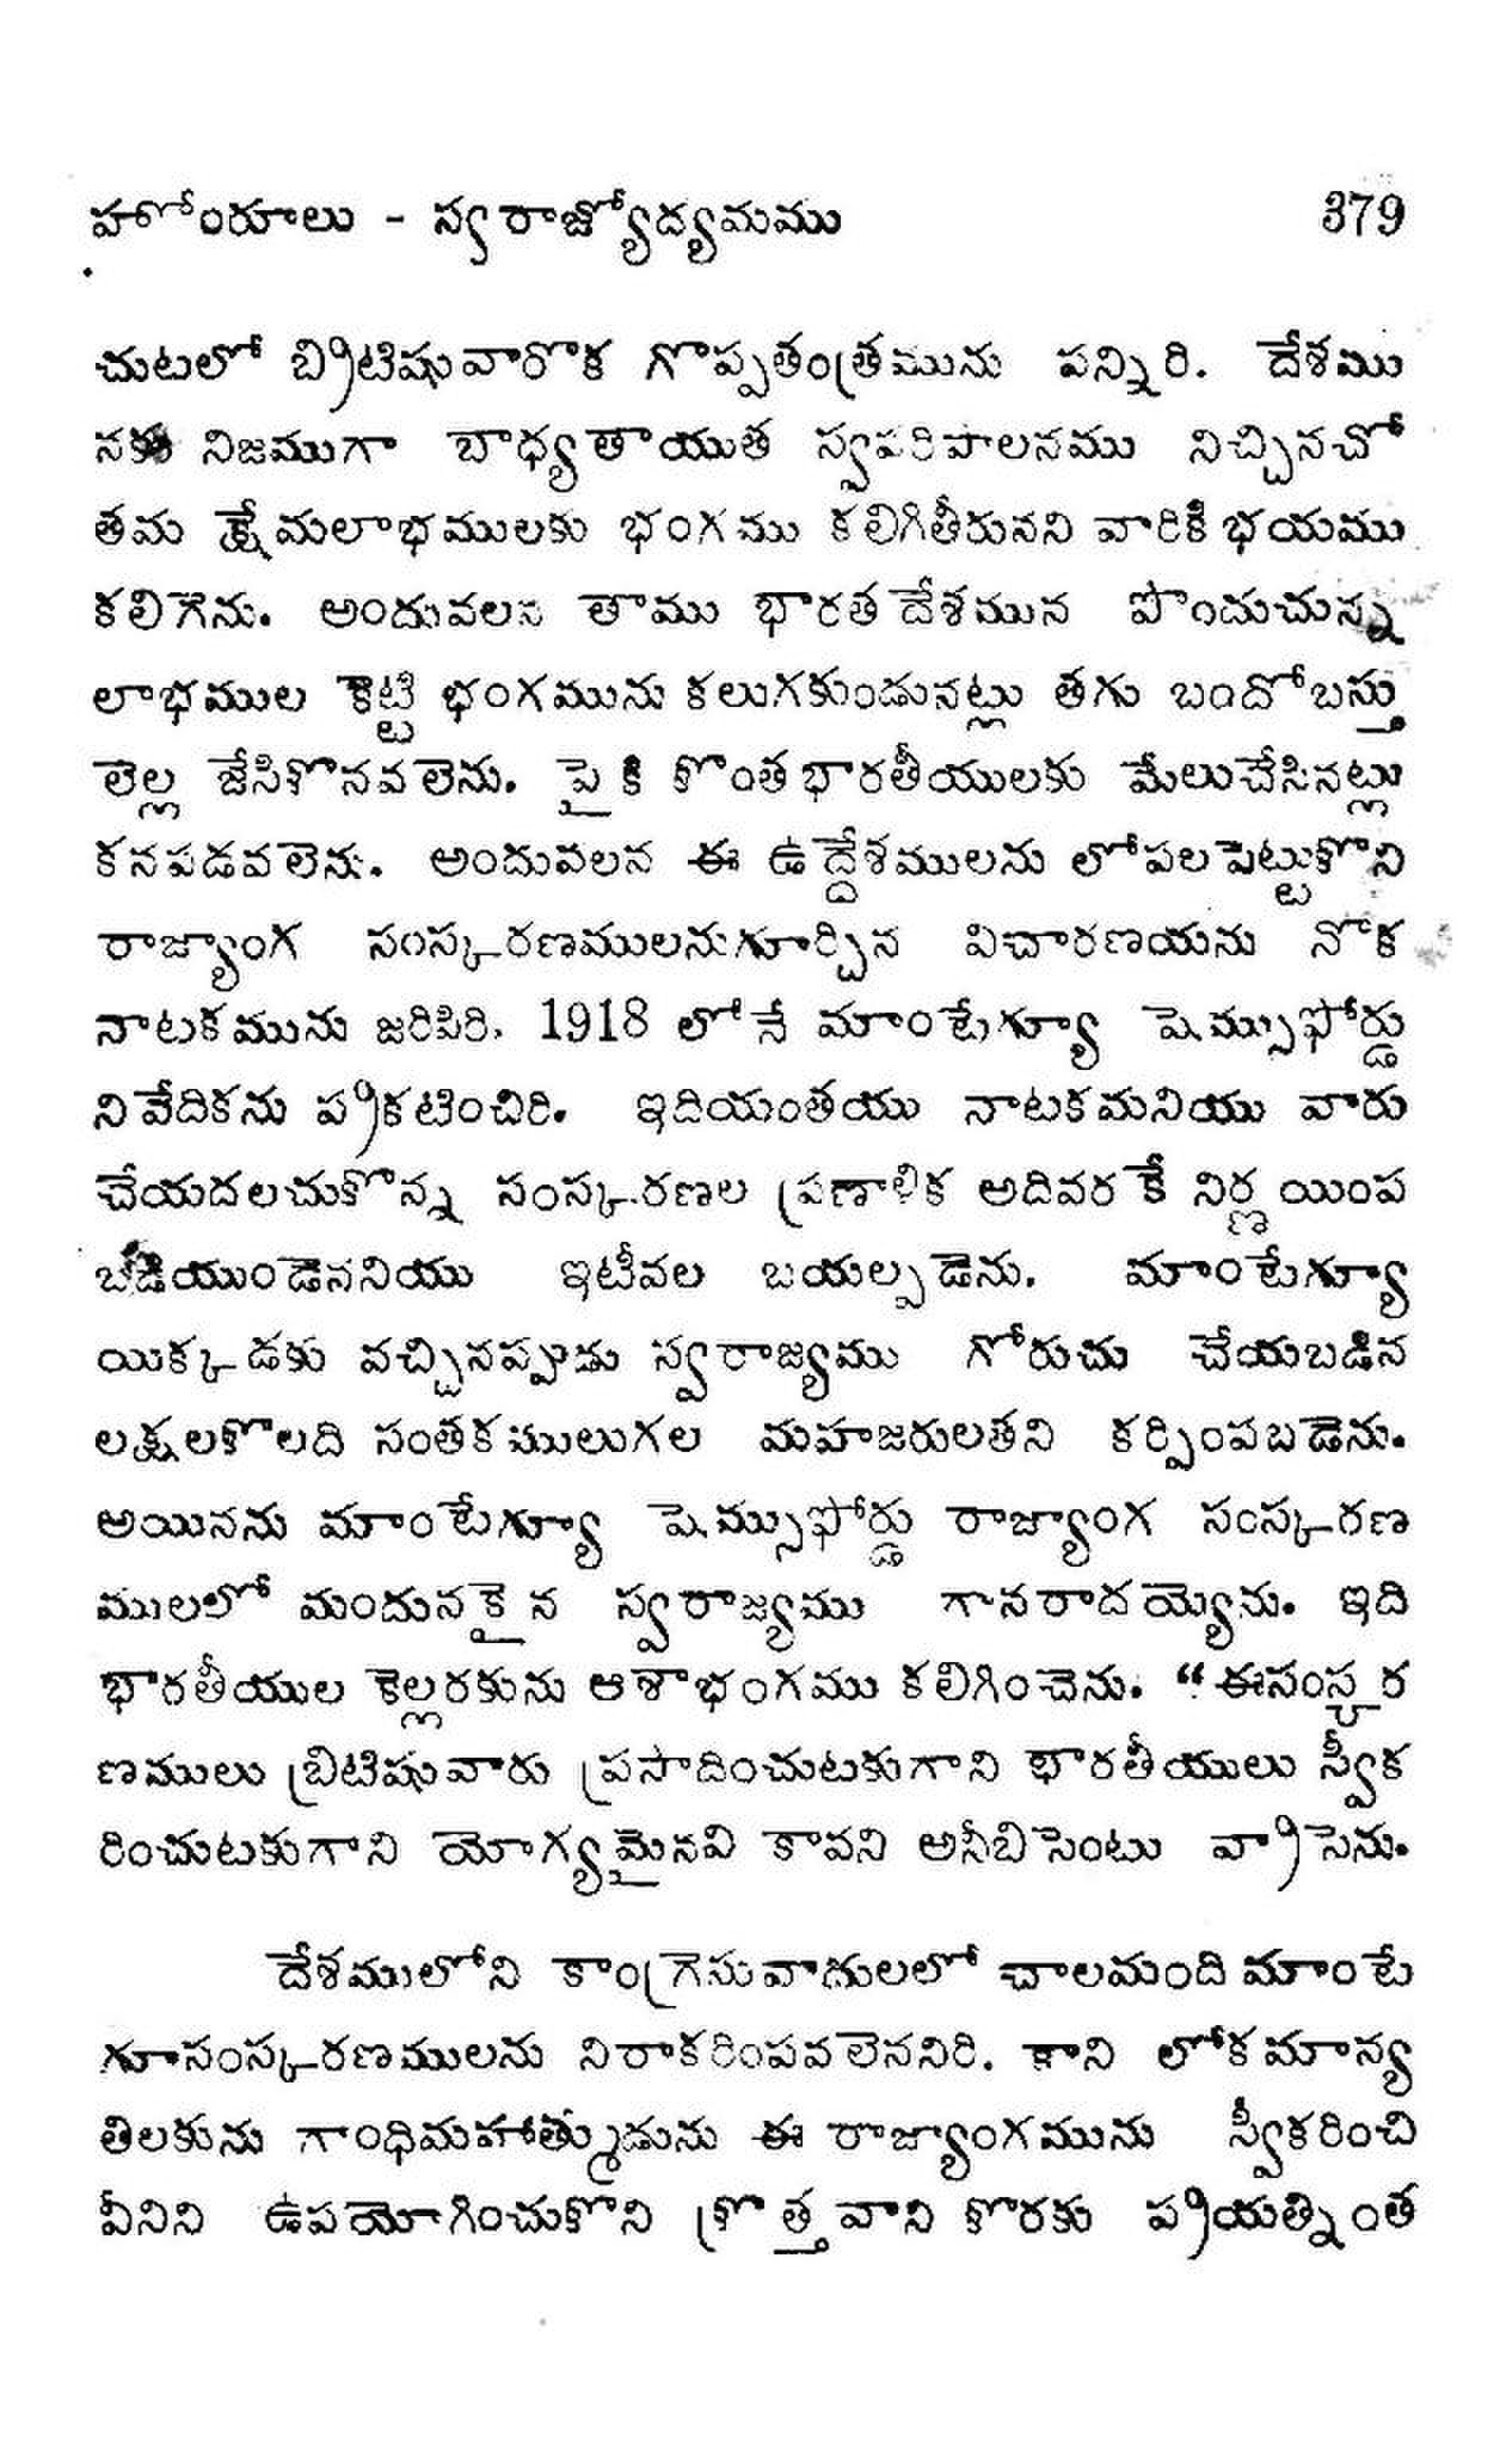చుటలో బ్రిటిషువారొక గొప్పతంత్రమును పన్నిరి. దేశమునకు నిజముగా బాధ్యతాయుత స్వపరిపాలనము నిచ్చినచో తమ క్షేమలాభములకు భంగము కలిగితీరునని వారికి భయము కలిగెను. అందువలన తాము భారతదేశమున పొందుచున్న లాభముల కెట్టి భంగమును కలుగకుండునట్లు తగు బందోబస్తులెల్ల జేసికొనవలెను. పైకి కొంత భారతీయులకు మేలుచేసినట్లు కనపడవలెను. అందువలన ఈ ఉద్దేశములను లోపలపెట్టుకొని రాజ్యాంగ సంస్కరణములను గూర్చిన విచారణయను నొక నాటకమును జరిపిరి, 1918 లో నే మాంటేగ్యూ షెమ్సుఫోర్డు నివేదికను ప్రకటించిరి. ఇదియంతయు నాటకమనియు వారు చేయదలచుకొన్న సంస్కరణల ప్రణాళిక అదివరకే నిర్ణయింపబడి యుండెననియు ఇటీవల బయల్పడెను. మాంటేగ్యూ యిక్కడకు వచ్చినప్పుడు స్వరాజ్యము గోరుచు చేయబడిన లక్షలకొలది సంతకములుగల మహజరులతని కర్పింపబడెను. అయినను మాంటేగ్యూ షెమ్సుఫోర్డు రాజ్యాంగ సంస్కరణములలో మందునకైన స్వరాజ్యము గానరాదయ్యెను. ఇది భారతీయుల కెల్లరకును ఆశాభంగము కలిగించెను. "ఈసంస్కరణములు బ్రిటిషువారు ప్రసాదించుటకుగాని భారతీయులు స్వీకరించుటకుగాని యోగ్యమైనవి కావ"ని అనీబిసెంటు వ్రాసెను.

దేశములోని కాంగ్రెసువాదులలో చాలమంది మాంటేగూసంస్కరణములను నిరాకరింపవలెననిరి. కాని లోకమాన్య తిలకును గాంధిమహాత్ముడును ఈ రాజ్యంగమును స్వీకరించి వీనిని ఉపయోగించుకొని క్రొత్తవాని కొరకు ప్రయత్నింత